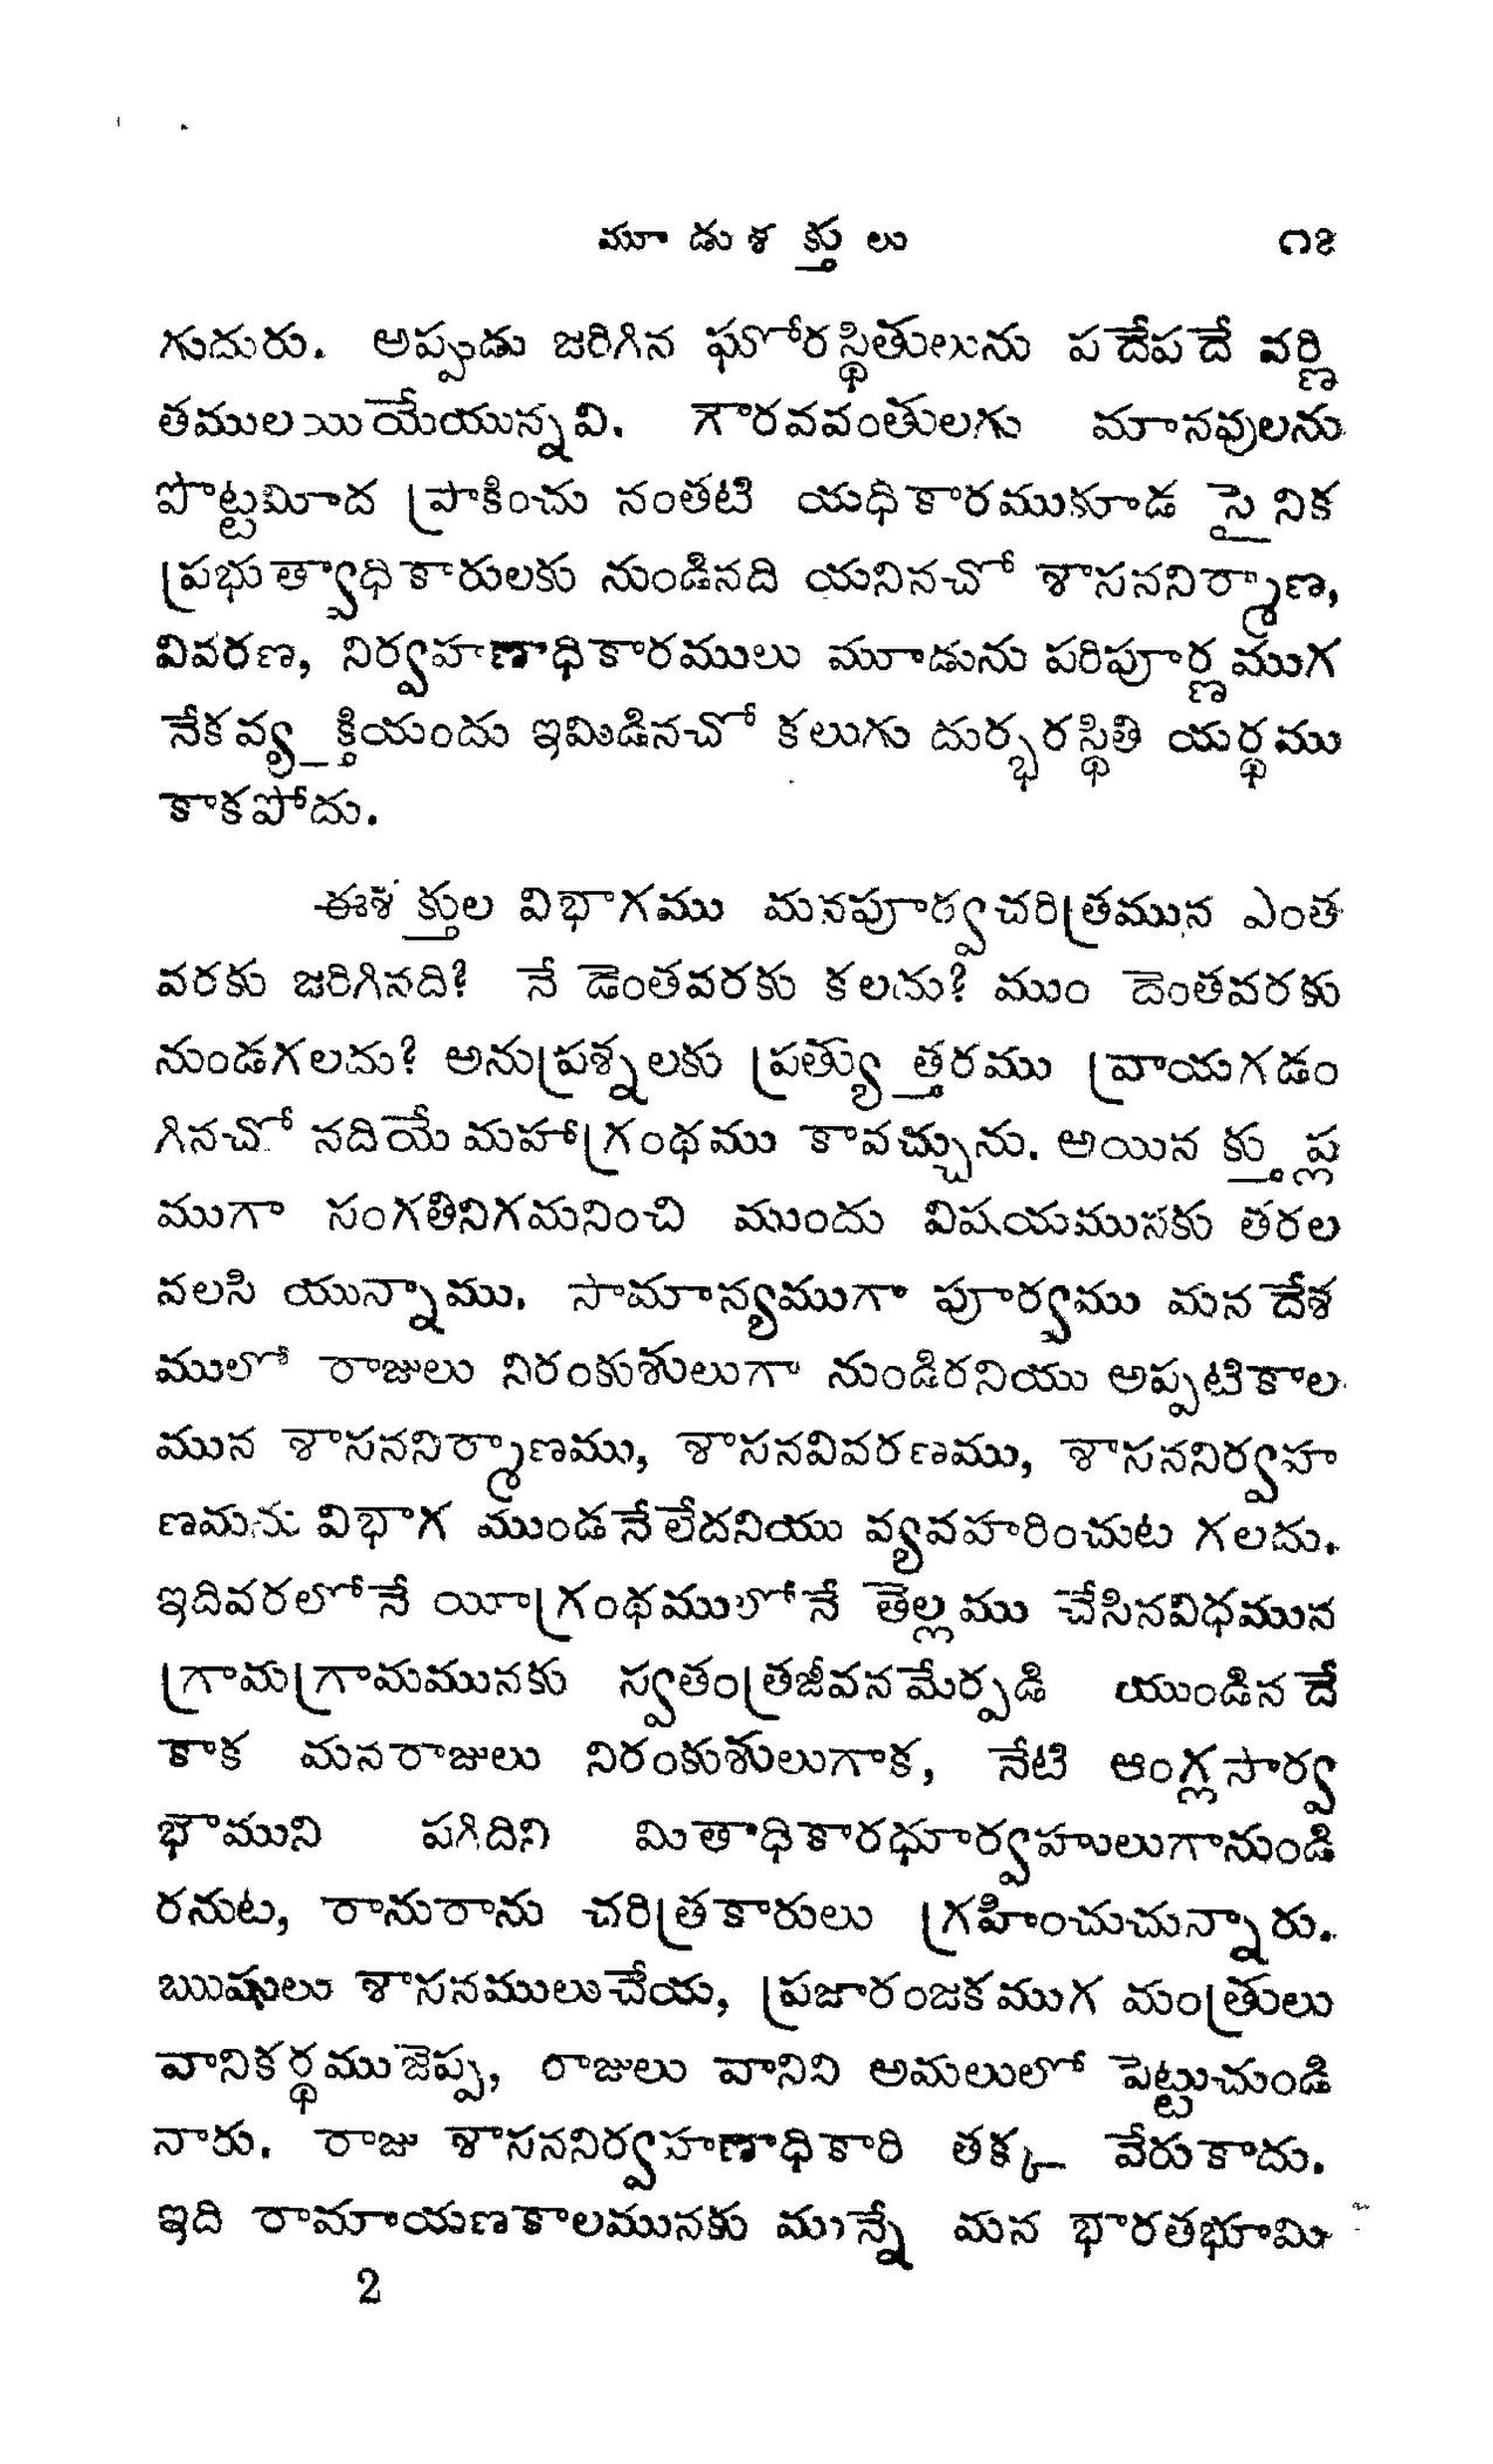గుదురు. అప్పుడు జరిగిన ఘోరస్థితులును పదేపదే వర్ణితములయియేయున్నవి. గౌరవవంతులగు మానవులను పొట్టమీద ప్రాకించు నంతటి యధికారముకూడ సైనిక ప్రభుత్వాధికారులకు నుండినది యనినచో శాసననిర్మాణ, వివరణ, నిర్వహణాధికారములు మూడును పరిపూర్ణముగ నేక వ్యక్తియందు ఇమిడినచో కలుగు దుర్భరస్థితి యర్థము కాకపోదు.

ఈశక్తుల విభాగము మనపూర్వచరిత్రమున ఎంతవరకు జరిగినది? నే డెంతవరకు కలదు? ముం దెంతవరకు నుండగలదు? అనుప్రశ్నలకు ప్రత్యుత్తరము వ్రాయగడంగినచో నదియే మహాగ్రంథము కావచ్చును. అయిన క్లుప్తముగా సంగతినిగమనించి ముందు విషయముసకు తరలవలసి యున్నాము. సామాన్యముగా పూర్వము మనదేశములో రాజులు నిరంకుశులుగా నుండిరనియు అప్పటికాలమున శాసననిర్మాణము, శాసనవివరణము, శాసననిర్వహణమను విభాగ ముండనే లేదనియు వ్యవహరించుట గలదు. ఇదివరలోనే యీగ్రంథములోనే తెల్లము చేసినవిధమున
గ్రామగ్రామమునకు స్వతంత్రజీవనమేర్పడి యుండిన దే కాక మనరాజులు నిరంకుశులుగాక, నేటి ఆంగ్ల సార్వభౌముని పగిదిని మితాధికారధూర్వహులుగానుండి రనుట, రానురాను చరిత్రకారులు గ్రహించుచున్నారు. ఋషులు శాసనములుచేయ, ప్రజారంజకముగ మంత్రులు వానికర్థముజెప్ప, రాజులు వానిని అమలులో పెట్టుచుండినారు. రాజు శాసననిర్వహణాధికారి తక్క వేరుకాదు. ఇది రామాయణకాలమునకు మున్నే మన భారతభూమి